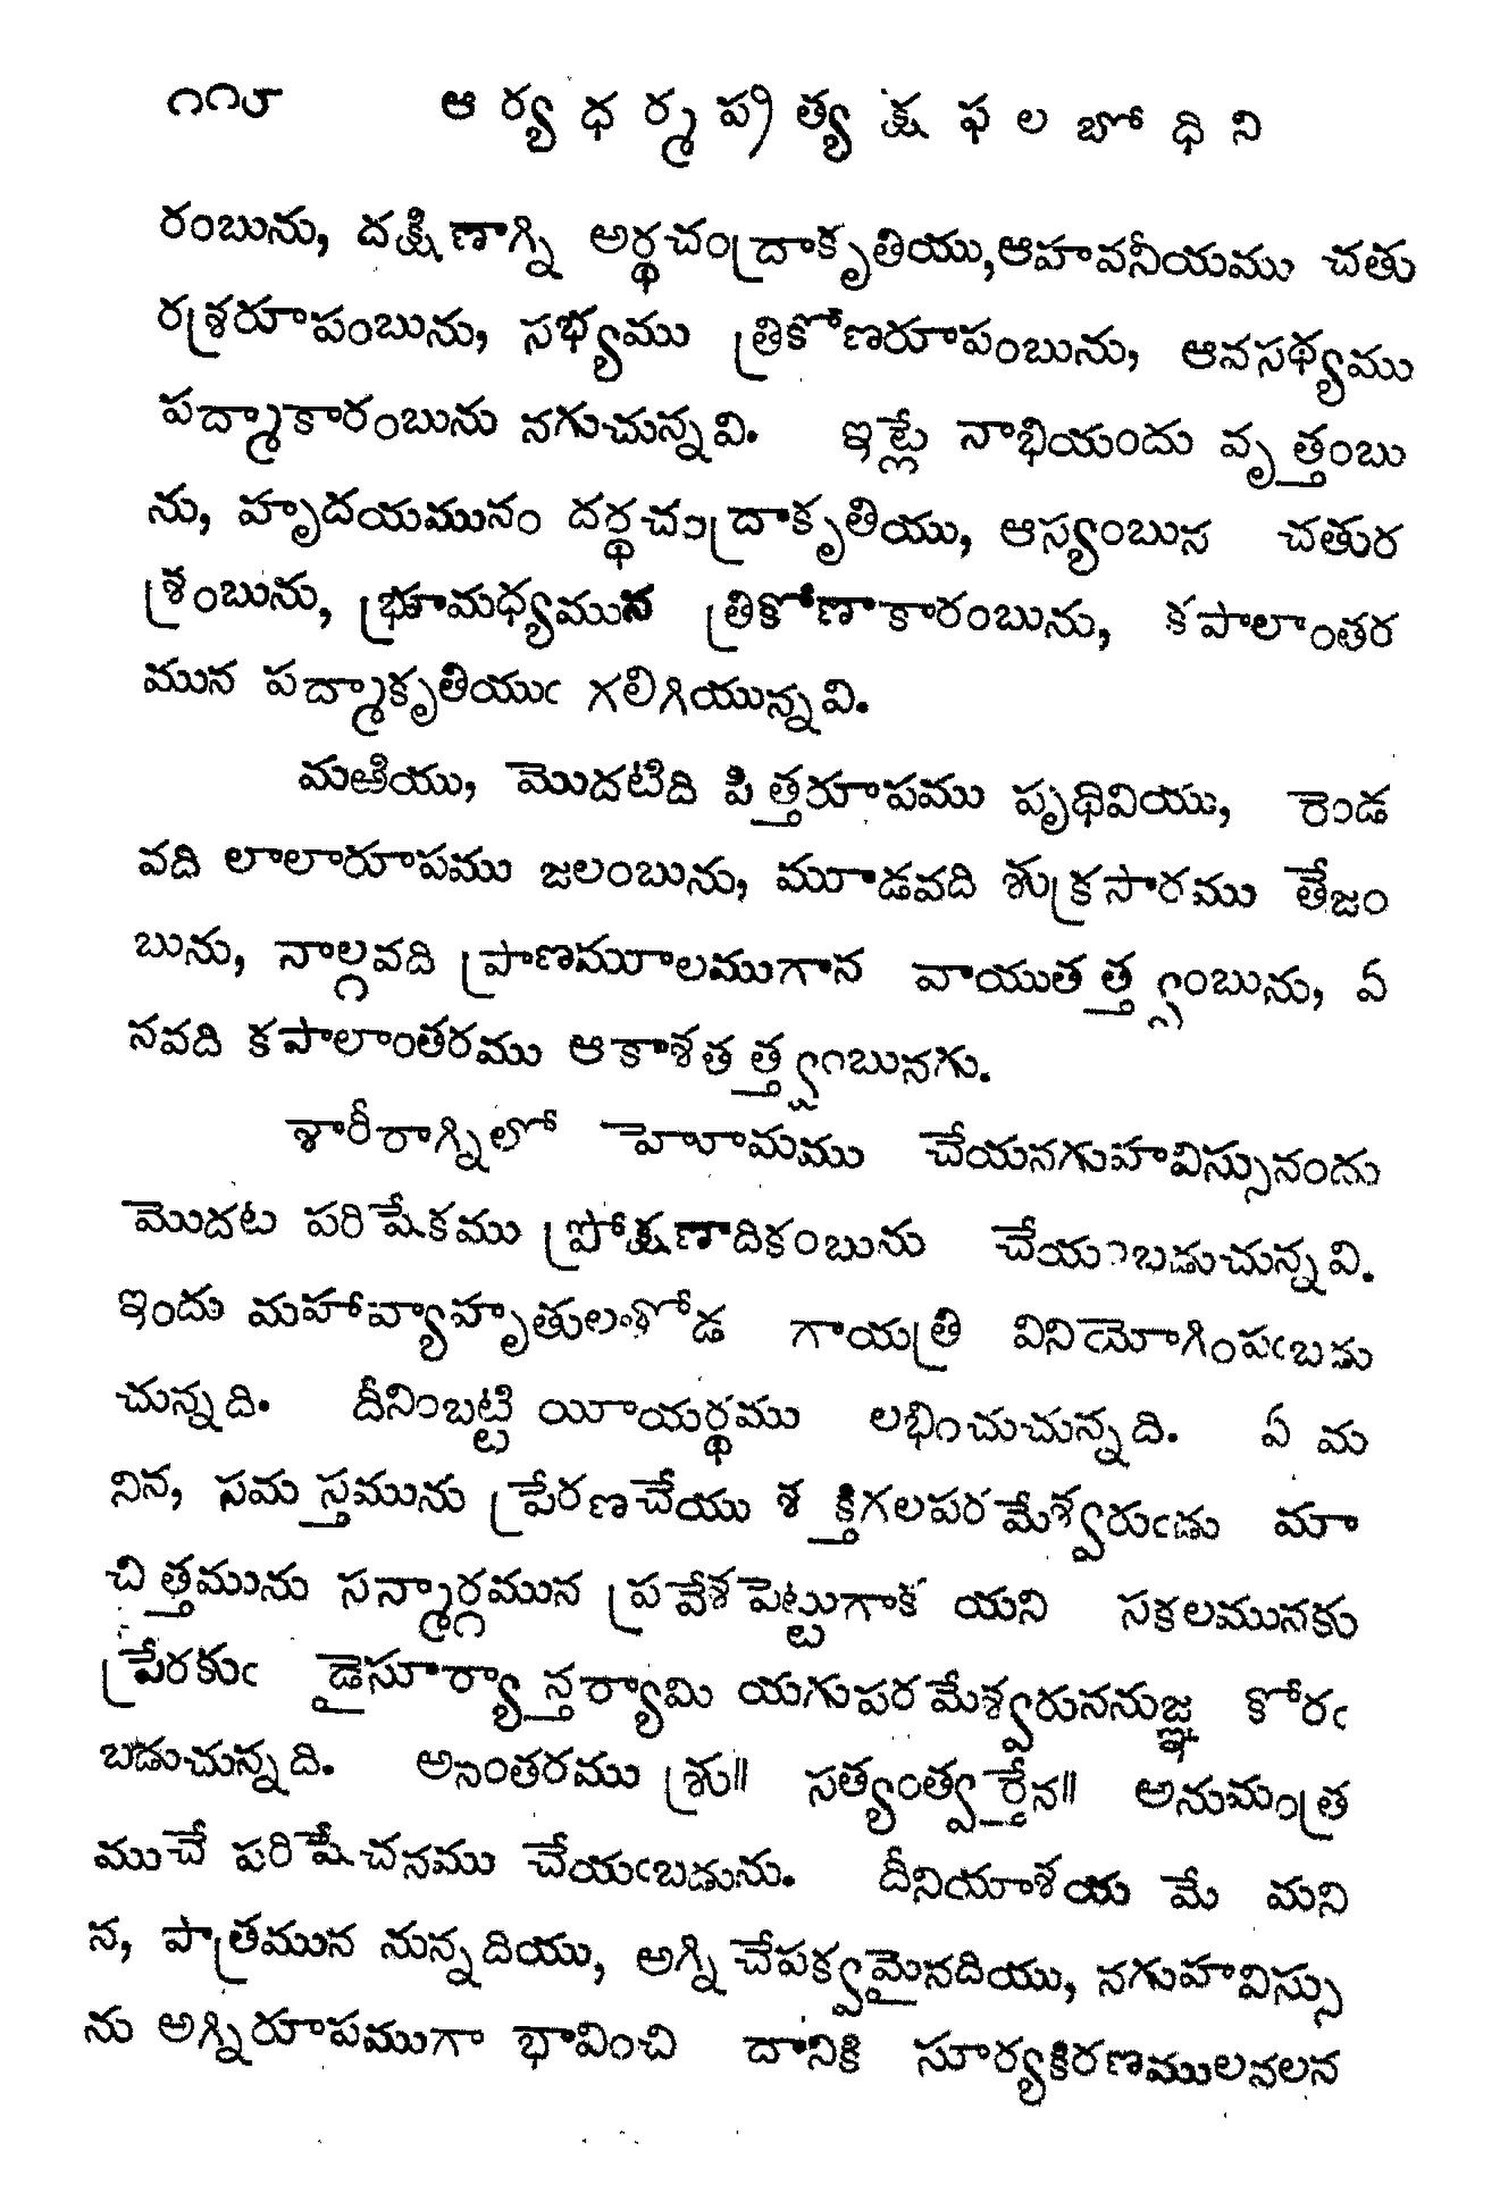రంబును, దక్షిణాగ్ని అర్థచంద్రాకృతియు, ఆహవనీయము చతురశ్రరూపంబును, సభ్యము త్రికోణరూపంబును, ఆవసథ్యము పద్మాకారంబును నగుచున్నవి. ఇట్లే నాభియందు వృత్తంబును, హృదయమునం దర్థచంద్రాకృతియు, ఆస్యంబున చతురశ్రంబును, భ్రూమధ్యమున త్రికోణాకారంబును, కపాలాంతరమున పద్మాకృతియుఁ గలిగియున్నవి.

మఱియు, మొదటిది పిత్తరూపము పృథివియు, రెండవది లాలారూపము జలంబును, మూడవది శుక్రసారము తేజంబును, నాల్గవది ప్రాణమూలముగాన వాయుతత్త్వంబును, ఏనవది కపాలాంతరము ఆకాశతత్త్వంబునగు.

శారీరాగ్నిలో హెూమము చేయనగుహవిస్సునందు మొదట పరిషేకము ప్రోక్షణాదికంబును చేయంబడుచున్నవి.
ఇందు మహావ్యాహృతులతోడ గాయత్రి వినియోగింపఁబడుచున్నది. దీనింబట్టి యీయర్థము లభించుచున్నది. ఏ మనిన, సమస్తమును ప్రేరణచేయు శక్తిగలపరమేశ్వరుఁడు మాచిత్తమును సన్మార్గమున ప్రవేశపెట్టుగాక యని సకలమునకు ప్రేరకుఁ డైసూర్యాస్తర్యామి యగుపరమేశ్వరుననుజ్ఞ కోరఁబడుచున్నది. అనంతరము శ్రు॥ సత్యంత్వర్తేన॥ అనుమంత్రముచే పరిషేచనము చేయఁబడును. దీనియాళయ మే మనిన, పాత్రమున నున్నదియు, అగ్నిచేపక్వమైనదియు, నగుహవిస్సును అగ్నిరూపముగా భావించి దానికి సూర్యకిరణములవలన